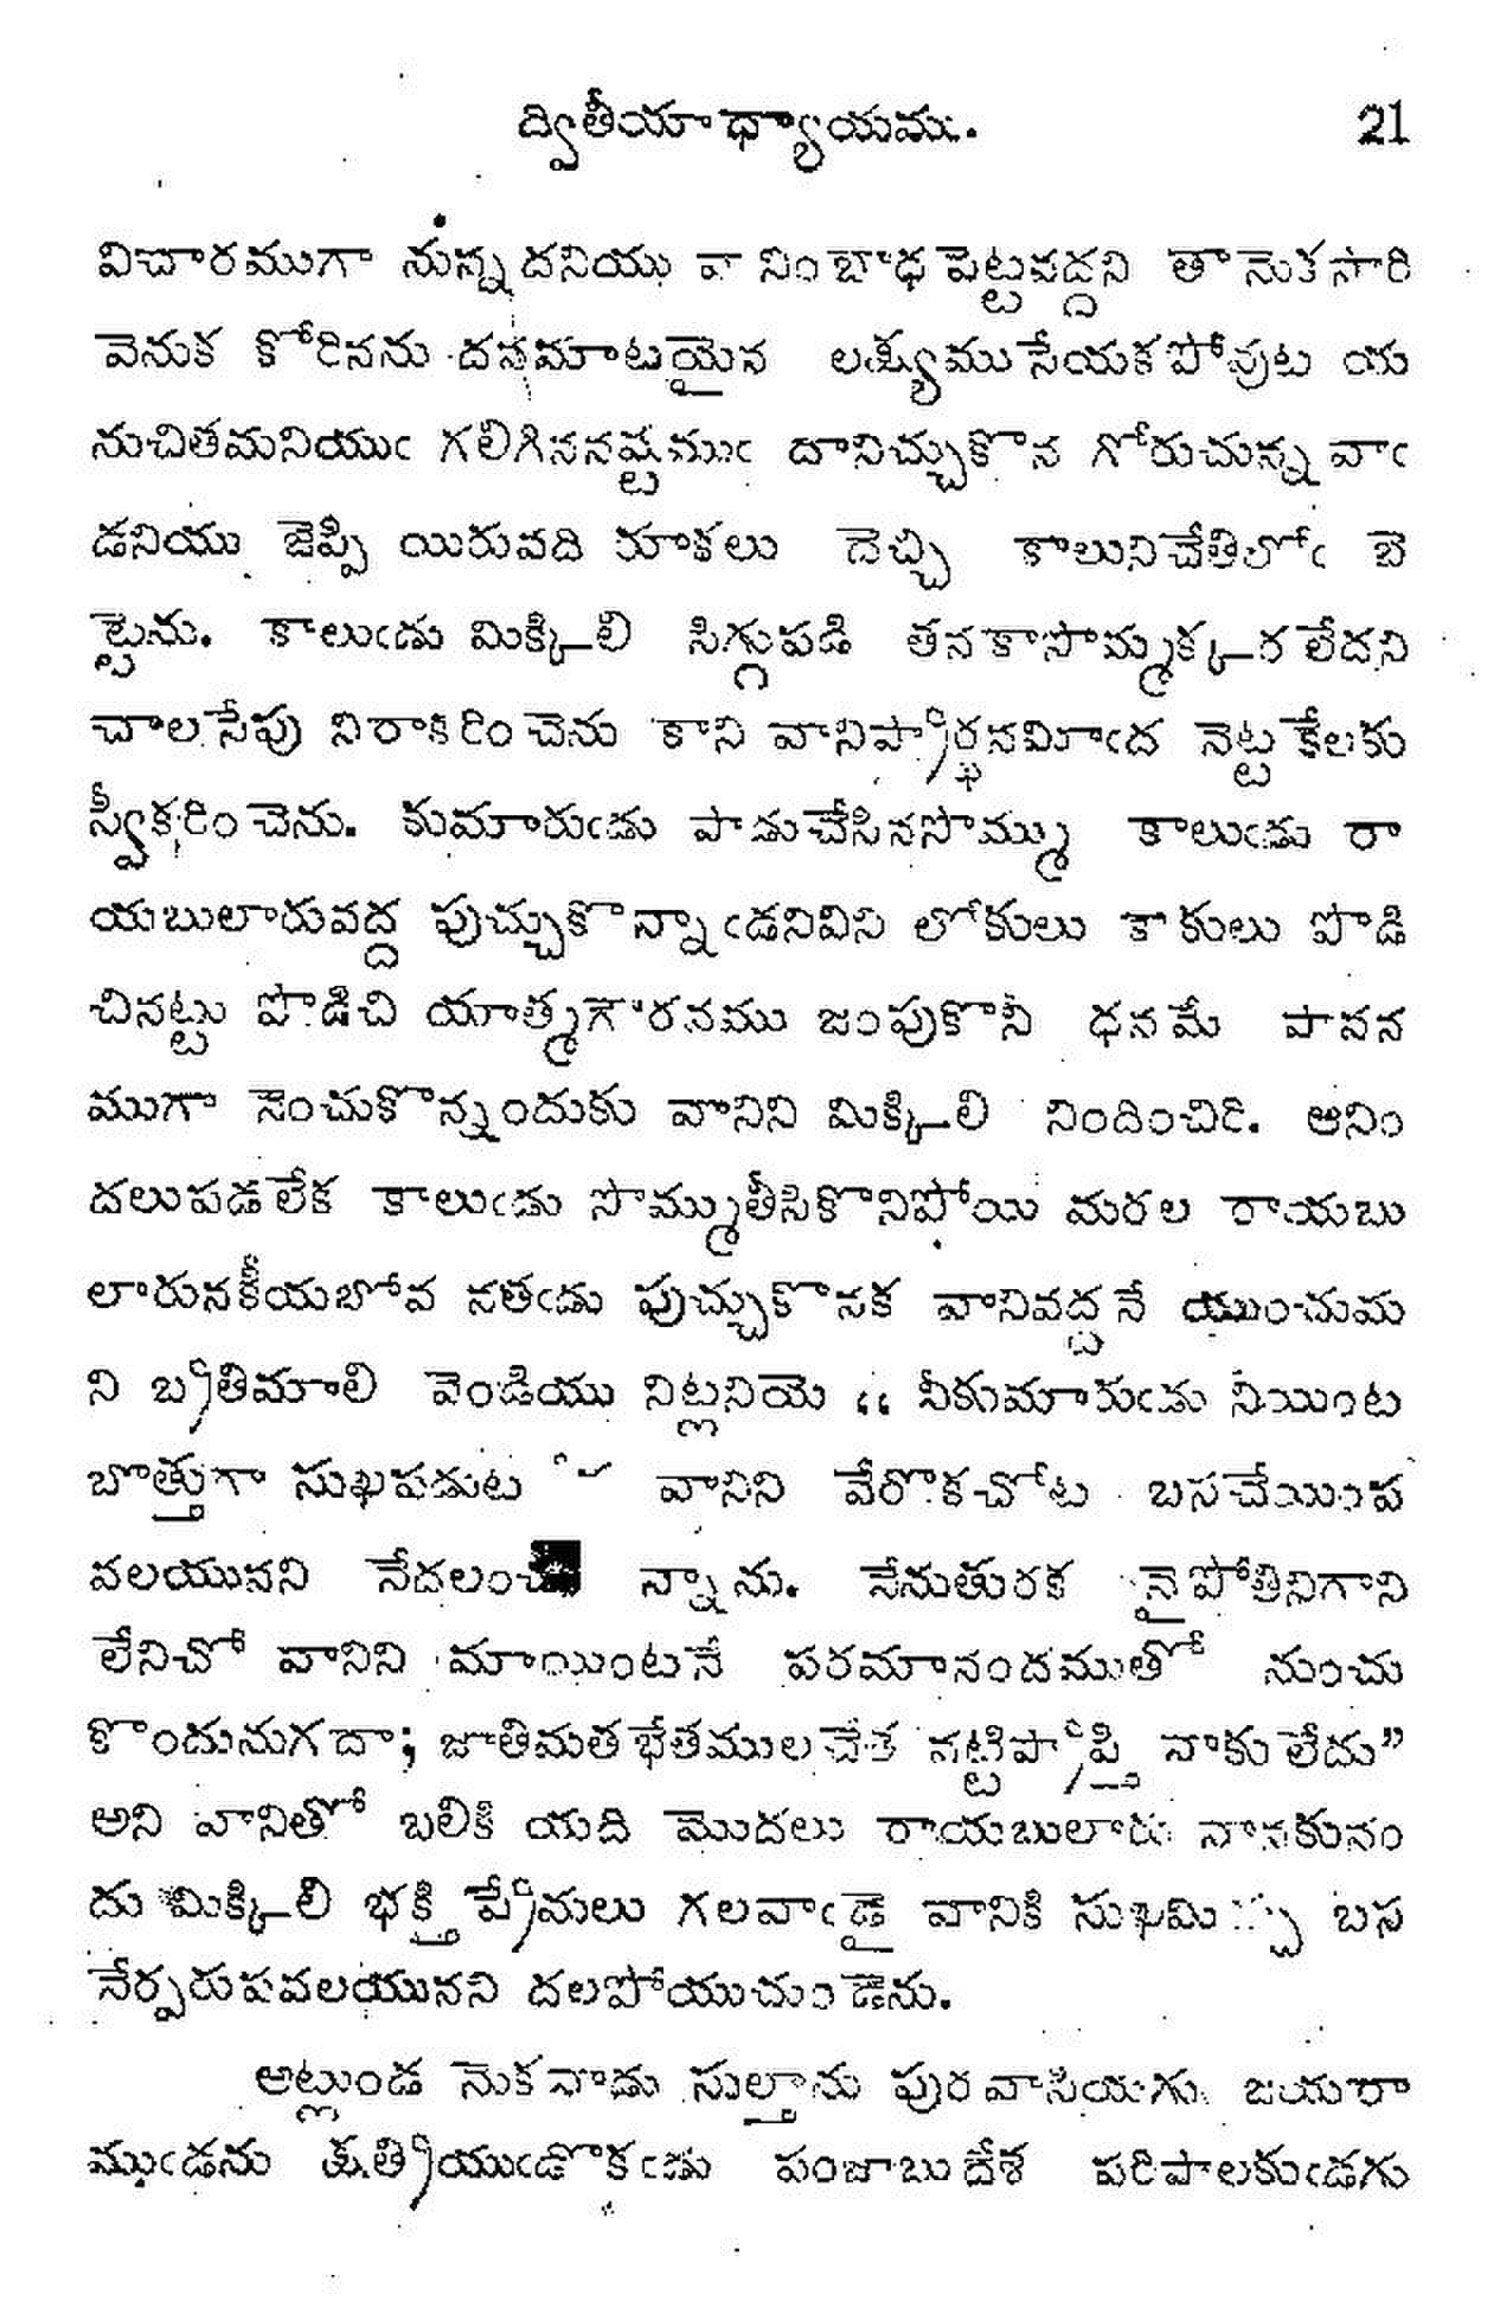విచారముగా నున్నదనియు వానింబాధపెట్టవద్దని తానొకసారి వెనుక కోరినను దనమాటయైన లక్ష్యముసేయకపోవుట యనుచితమనియు గలిగిననష్టము దానిచ్చుకొన గోరుచున్నవాడనియు జెప్పి యిరువది రూకలు దెచ్చి కాలునిచేతిలో బెట్టెను. కాలుడు మిక్కిలి సిగ్గుపడి తనకాసొమ్మక్కరలేదని చాలసేపు నిరాకరించెను కాని వానిప్రార్థనమీద నెట్టకేలకు స్వీకరించెను. కుమారుడు పాడుచేసినసొమ్ము కాలుడు రాయబులారువద్ద పుచ్చుకొన్నాడనివిని లోకులు కాకులు పొడిచినట్టు పొడిచి యాత్మగౌరవము జంపుకొని ధనమే పావనముగా నెంచుకొన్నందుకు వానిని మిక్కిలి నిందించిరి. ఆనిందలుపడలేక కాలుడు సొమ్ముతీసికొనిపోయి మరల రాయబులారునకీయబోవ నతడు పుచ్చుకొనక వానివద్దనే యుంచుమని బ్రతిమాలి వెండియు నిట్లనియె "నీకుమారుడు నీయింట బొత్తుగా సుఖపడుట లేదు. వానిని వేరొకచోట బసచేయింప వలయునని నేదలంచుచున్నాను. నేనుతురక నైపోతినిగాని లేనిచో వానిని మాయింటనే పరమానందముతో నుంచుకొందునుగదా; జాతిమతభేతములచేత నట్టిప్రాప్తి నాకులేదు" అని వానితో బలికి యది మొదలు రాయబులారు నానకునందు మిక్కిలి భక్తి ప్రేమలు గలవాడై వానికి సుఖమిచ్చు బస నేర్పరుపవలయునని దలపోయుచుండెను.

అట్లుండ నొకనాడు సుల్తాను పురవాసియగు జయరాముడను క్షత్రియుడొకడు పంజాబుదేశ పరిపాలకుడగు